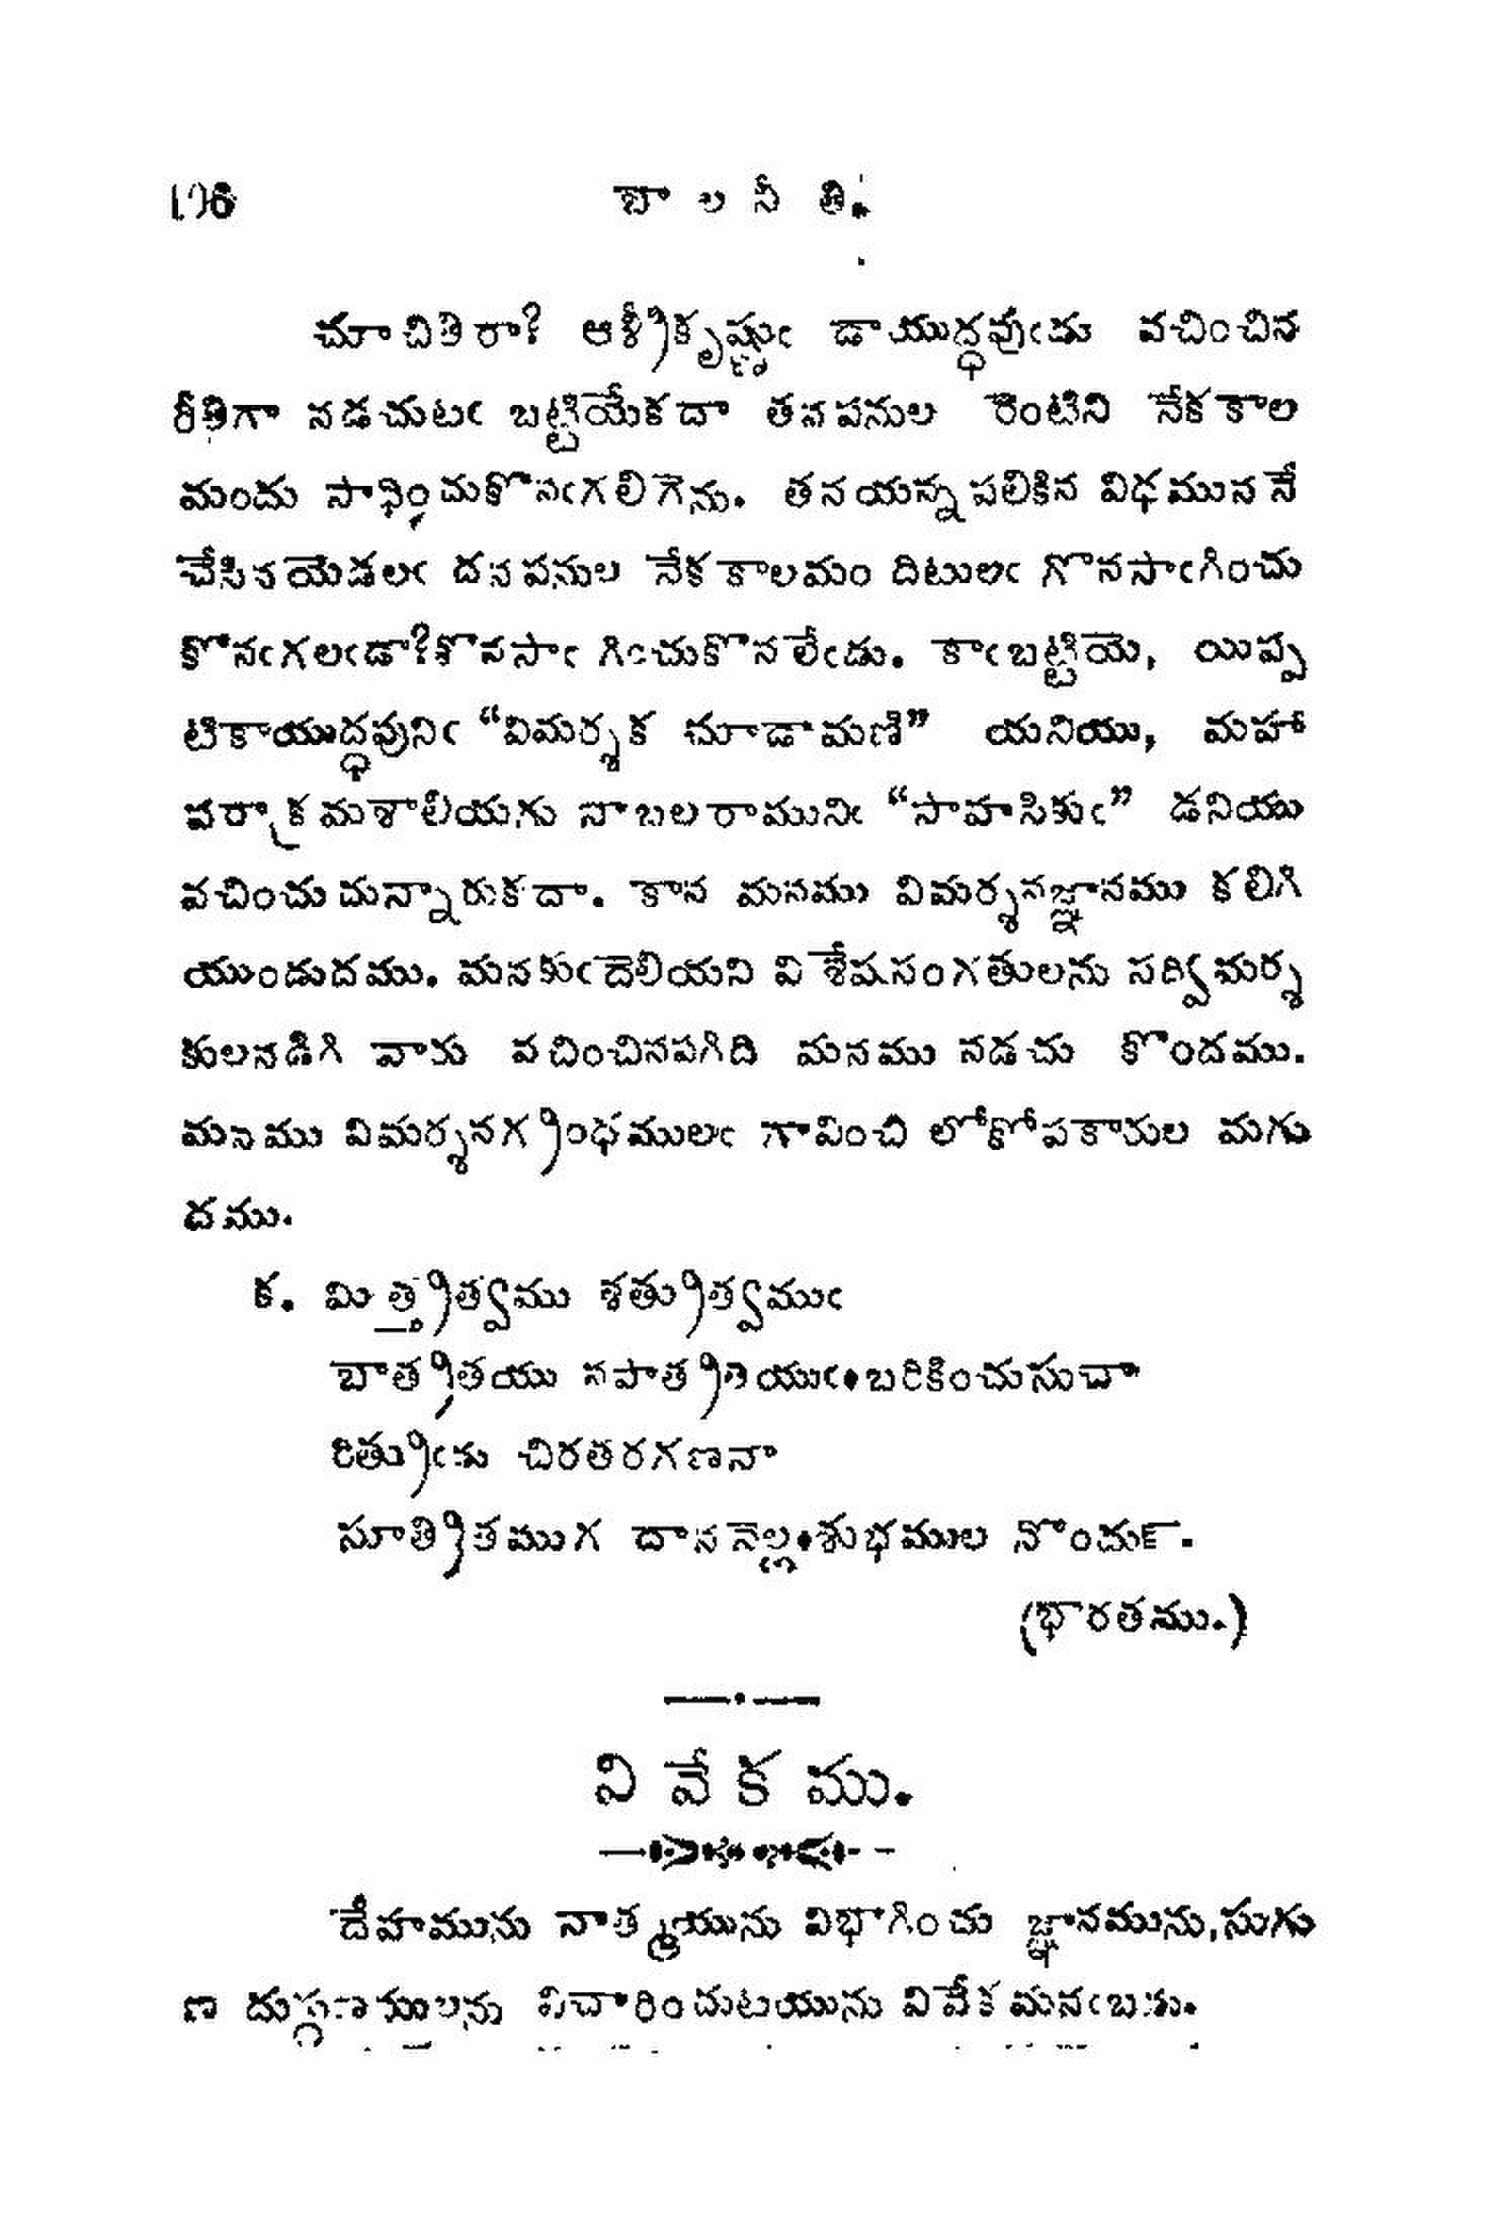చూచితిరా? ఆశ్రీకృష్ణుఁ డాయుద్ధవుఁడు వచించిన 
రీతిగా నడచుటఁ బట్టియేకదా తనపనుల రెంటిని నేకకాల
మందు సాధించుకొనఁగలిగెను. తనయన్నపలికిన విధముననే 
చేసినయెడలఁ దనపనుల నేకకాలమం దిటులఁ గొనసాఁగించు
కొనఁగలఁడా? కొనసాఁగించుకొనలేఁడు. కాఁబట్టియె, యిప్ప
టికాయుద్ధవునిఁ "విమర్శక చూడామణి" యనియు, మహా
పరాక్రమశాలియగు నా బలరామునిఁ "సాహసికుఁ" డనియు 
వచించుచున్నారుకదా. కాన మనము విమర్శనజ్ఞానము కలిగి 
యుండుదము. మనకుఁదెలియని విశేషసంగతులను సద్విమర్శ
కులనడిగి వారు వచించినపగిది మనము నడచు కొందము. 
మనము విమర్శనగ్రంధములఁ గావించి లోకోపకారుల మగు
దము.

క. మిత్త్రత్వము శత్రుత్వముఁ
 బాత్రతయు నపాత్రతయుఁ♦బరికించుసుచా
 రిత్రుఁడు చిరతరగణనా
 సూత్రితముగ దాననెల్ల♦శుభముల నొందున్
 (భారతము.)

వివేకము.

దేహమును నాత్మయును విభాగించు జ్ఞానమును, సుగు
ణ దుర్గుణములను విచారించుటయును వివేక మనఁబడు.